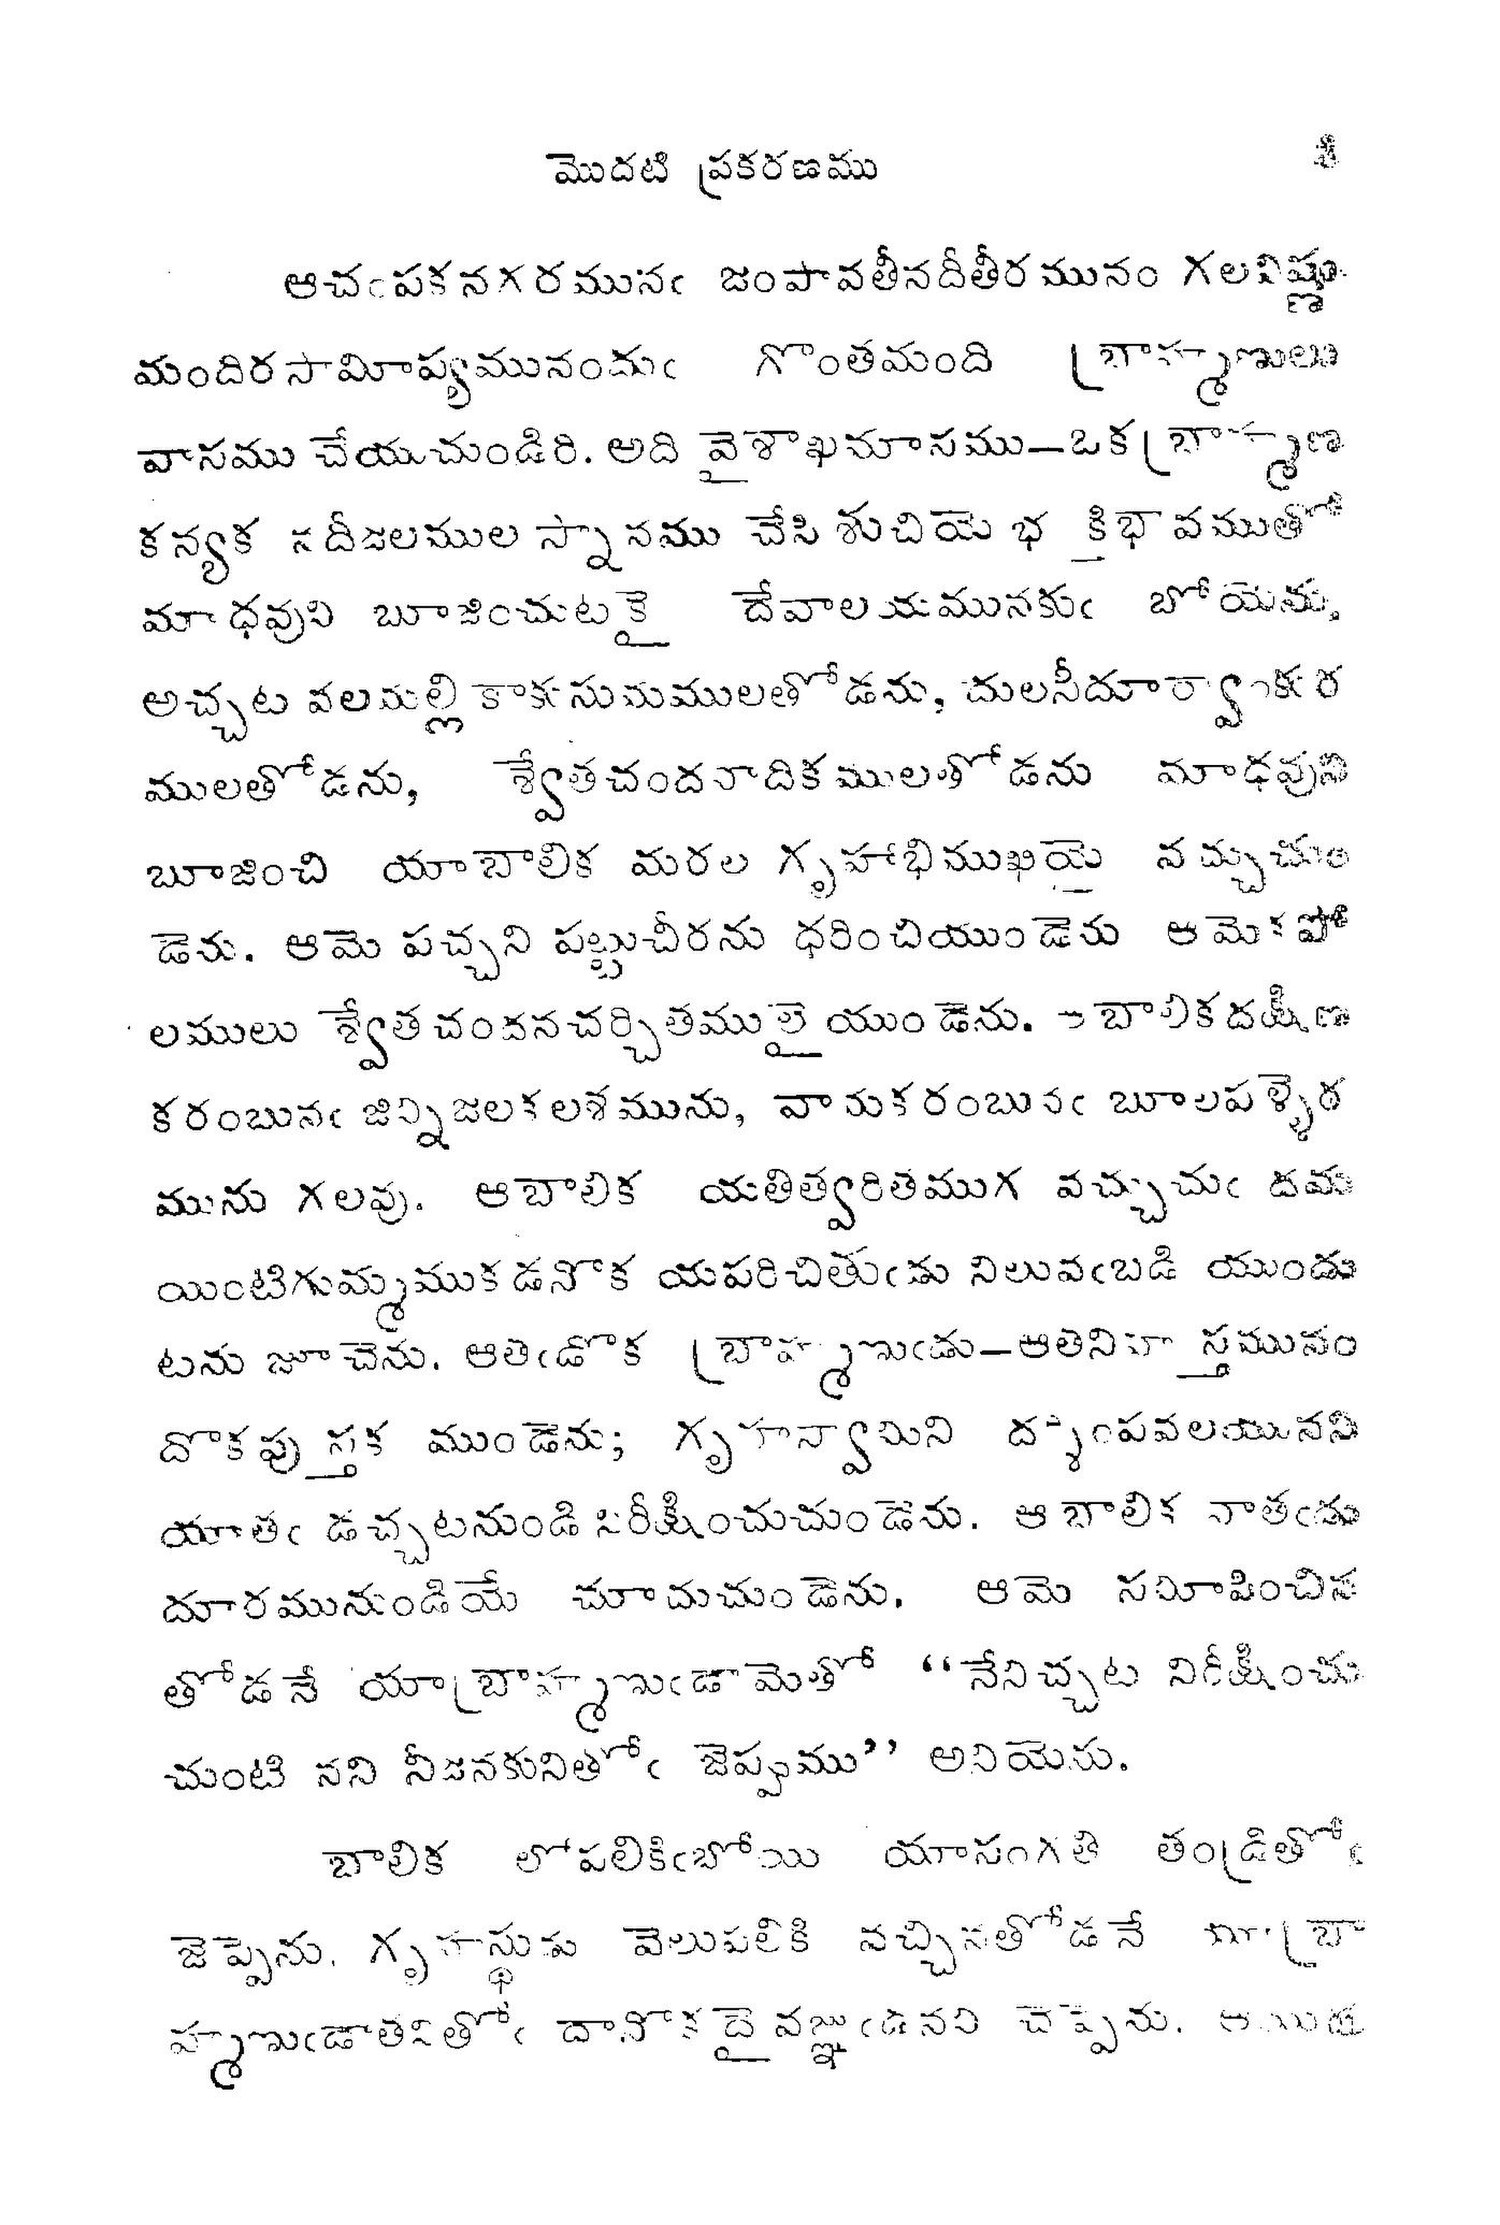ఆ చంపక నగరమునఁ జంపావతీనదీ తీరమునం గలవిష్ణు మందిర సామీప్యమునందుఁ గొంతమంది బ్రాహ్మణులు వాసము చేయుచుండిరి. అది వైశాఖమాసము—ఒక బ్రాహ్మణ కన్యక నదీజలముల స్నానము చేసి శుచియె భక్తి భావముతో మాధవుని బూజించుటకై దేవాలయమునకుఁ బోయెను.
అచ్చట వలమల్లి కాకుసుమములతోడను, దులసీదూర్వాంకురములతోడను, శ్వేతచందనాదికముల తోడను మాధవుని బూజించి యా బాలిక మరల గృహాభీముఖయై వచ్చుచుండెను. ఆమె పచ్చని పట్టు చీరను ధరించియుండెను ఆమెకపోలములు శ్వేత చందన చర్చితములై యుండెను. ఆ బాలిక దక్షిణ
కరంబునఁ జిన్ని జలకలశమును, వామకరంబునఁ బూలపళ్ళేరమును గలవు. ఆ బాలిక యతిత్వరితముగ వచ్చ చుఁ దమ యింటిగుమ్మముక డనొక యపరిచితుఁడు నిలువఁబడి యుండు
టను జూచెను. ఆతఁడొక బ్రాహ్మణుఁడు-అతని హస్తమునందొక పుస్తక ముండెను; గృహ స్వామిని దర్శింప వలయునని యాతఁ డచ్చటనుండి నిరీక్షించుచుండెను. ఆ బాలిక నాతఁడు దూరమునుండియే చూచుచుండెను, ఆమె సమీపించిన తోడనే యాబ్రాహ్మణుఁడామెతో " నేనిచ్చట నిరీక్షించు చుంటినని నీ జనకునితోఁ జెప్పుము ” అనియెను.

బాలిక లోపలికిఁబోయి యాసంగతి తండ్రితోఁ జెప్పెను. గృహస్థుకు వెలుపలికి వచ్చిన తోడనే యా బ్రాహ్మణుఁడాతనితోఁ, దానొక దైవజ్జుఁ డనని చెప్పెను. అయుదు